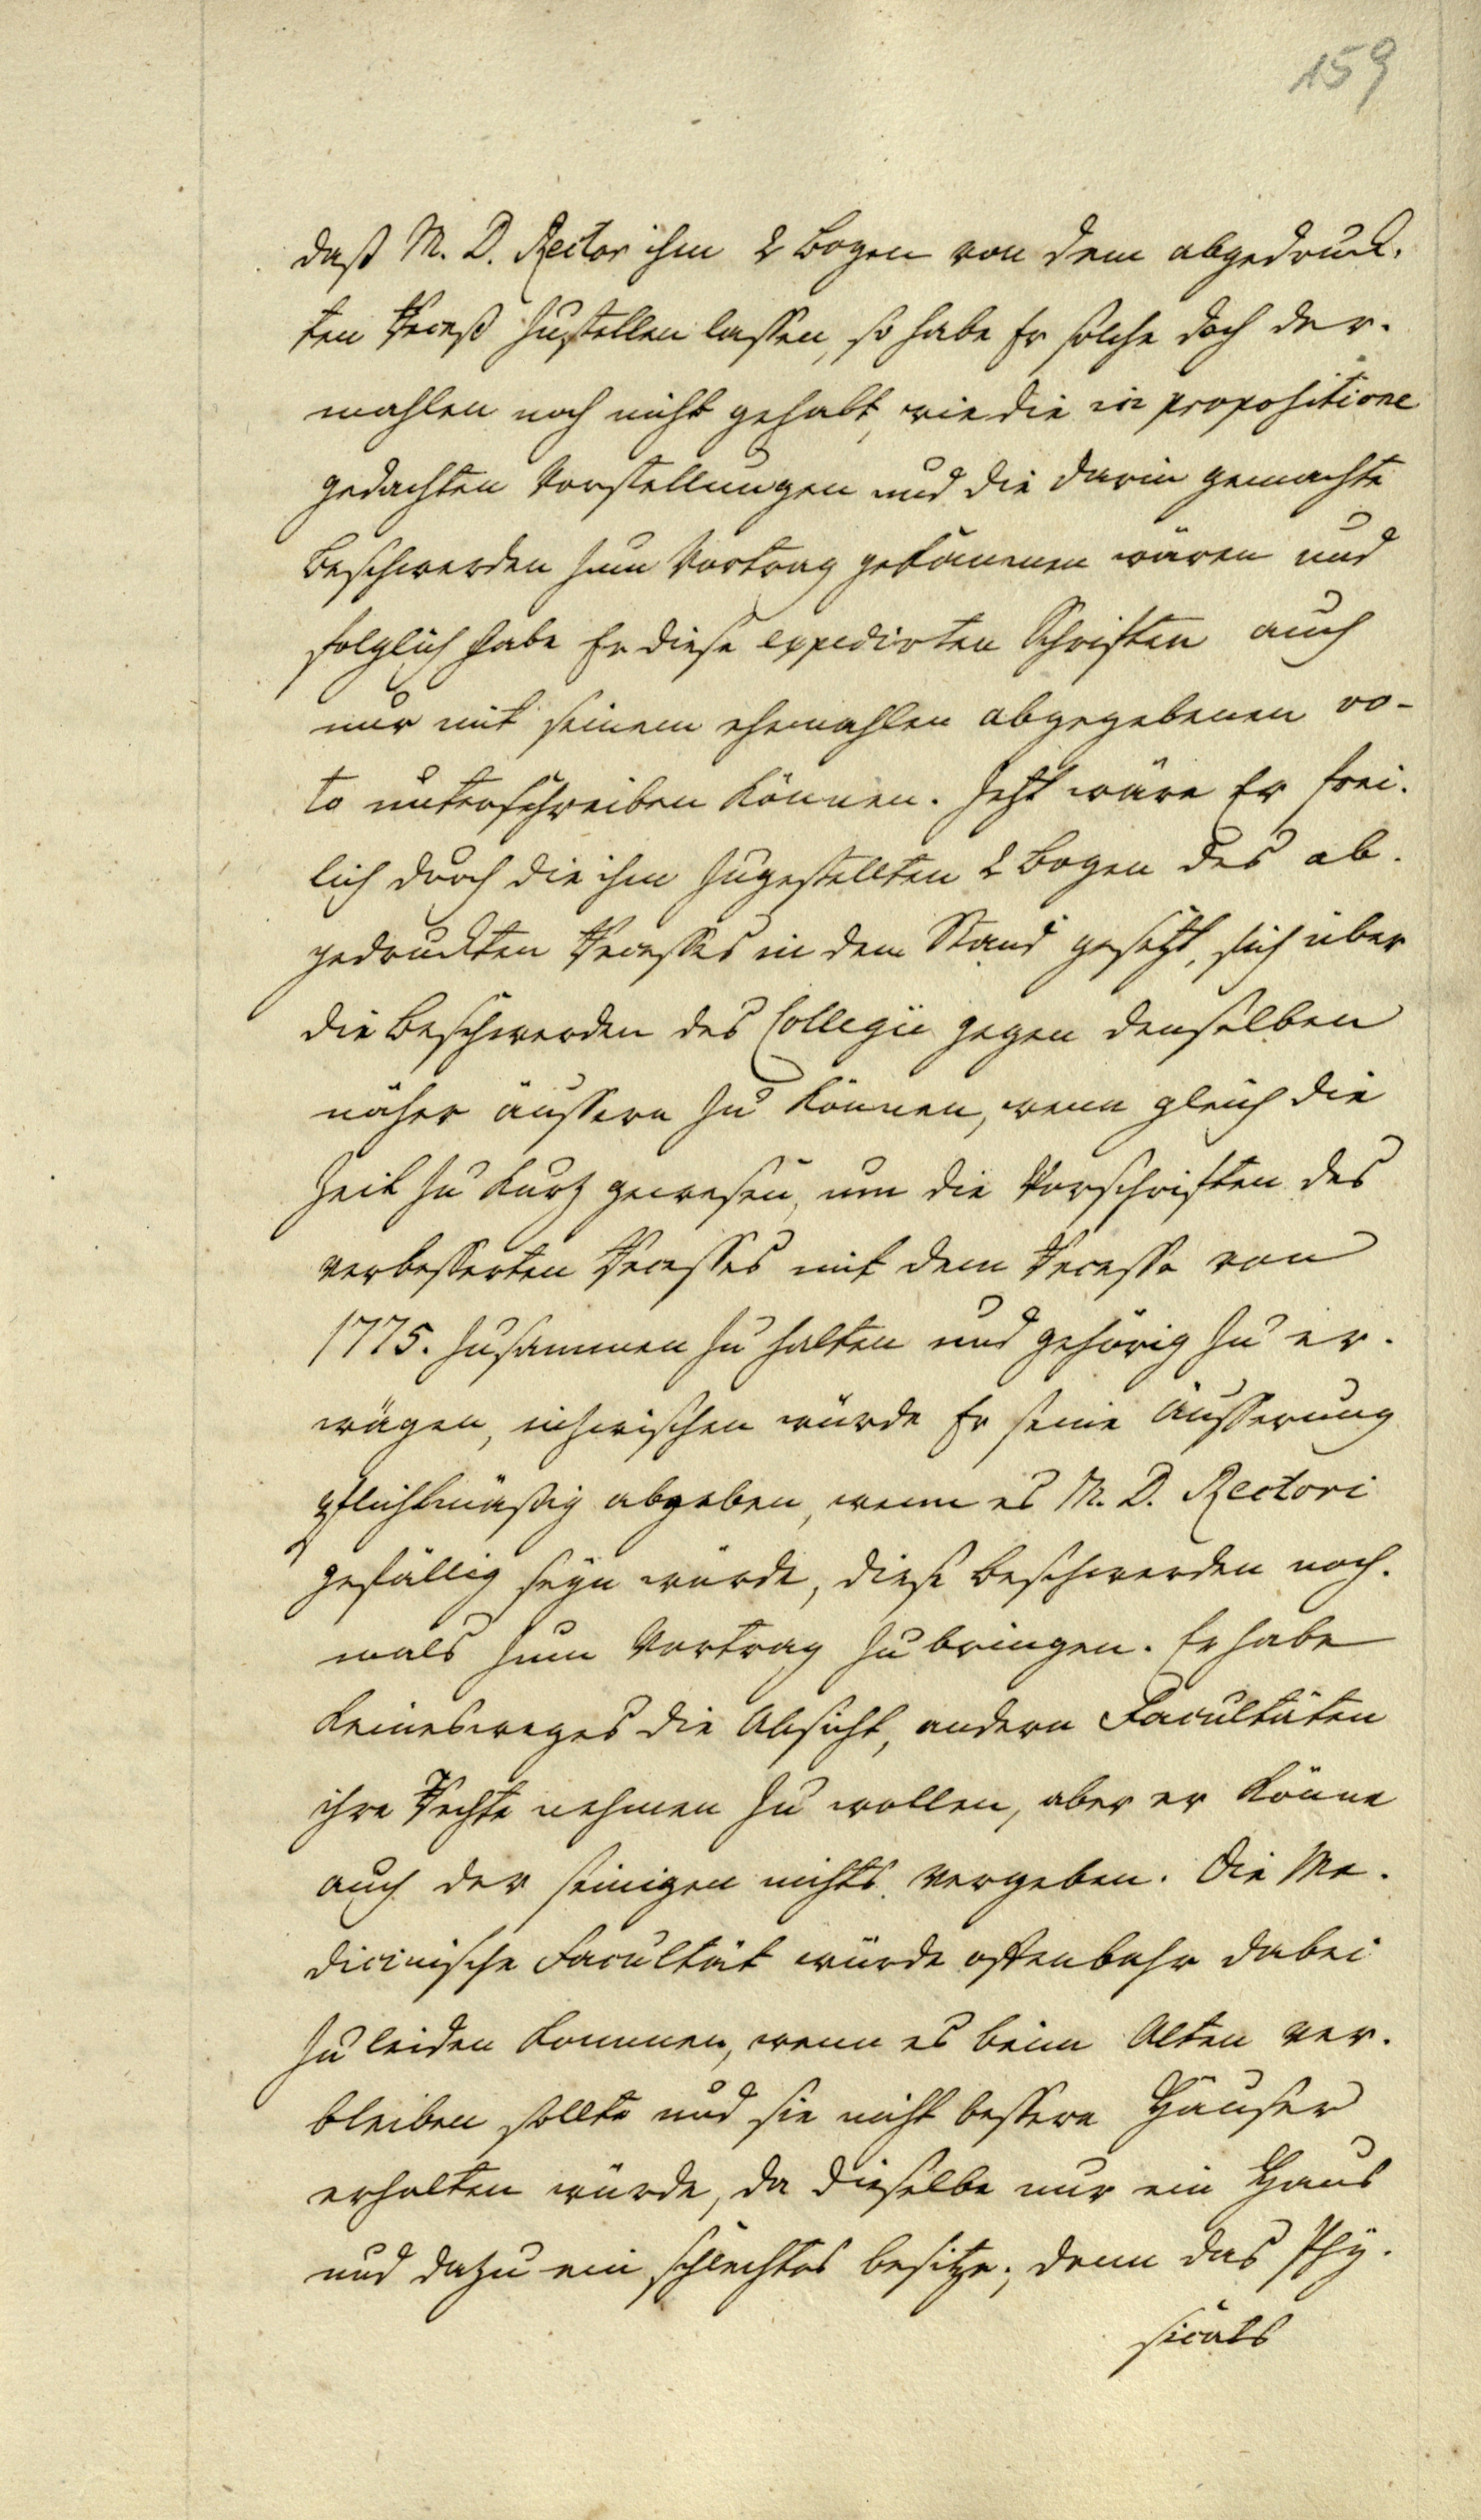daß M. D. Rector ihm 2 Bogen von dem abgedruck¬
ten Receß zustellen lassen, so habe Er solche doch der¬
mahlen noch nicht gehabt, wie die in propositione
gedachten Vorstellungen und die darin gemachte
Beschwerden zum Vortrag gekommen wären und
folglich habe Er diese expedirten Schriften auch
nur mit seinem ehemahlen abgegebenen vo¬
to unterschreiben können. Jetzt wäre Er frei¬
lich durch die ihm zugestellten 2 Bogen des ab¬
gedruckten Recesses in den Stand gesetzt, sich über
die Beschwerden des Collegii gegen denselben
näher äussern zu können, wenn gleich die
Zeit zu kurz gewesen, um die Vorschriften des
verbesserten Recesses mit dem Recesse von
1775. zusammen zu halten und gehörig zu er¬
wägen, inzwischen würde Er seine Äusserung
pflichtmäßig abgeben, wenn es M. D. Rectori
gefällig seÿn würde, diese Beschwerden noch¬
mals zum Vortrag zu bringen. Er habe
keinesweges die Absicht, andern Facultäten
ihre Rechte nehmen zu wollen, aber er könne
auch der seinigen nichts vergeben. Die Me¬
dicinische Facultät würde offenbahr dabei
zu leiden kommen, wenn es beim Alten ver¬
bleiben sollte und sie nicht bessere Häuser
erhalten würde, da dieselbe nur ein Haus
und dazu ein schlechtes besitze; denn das Phÿ¬
sicats